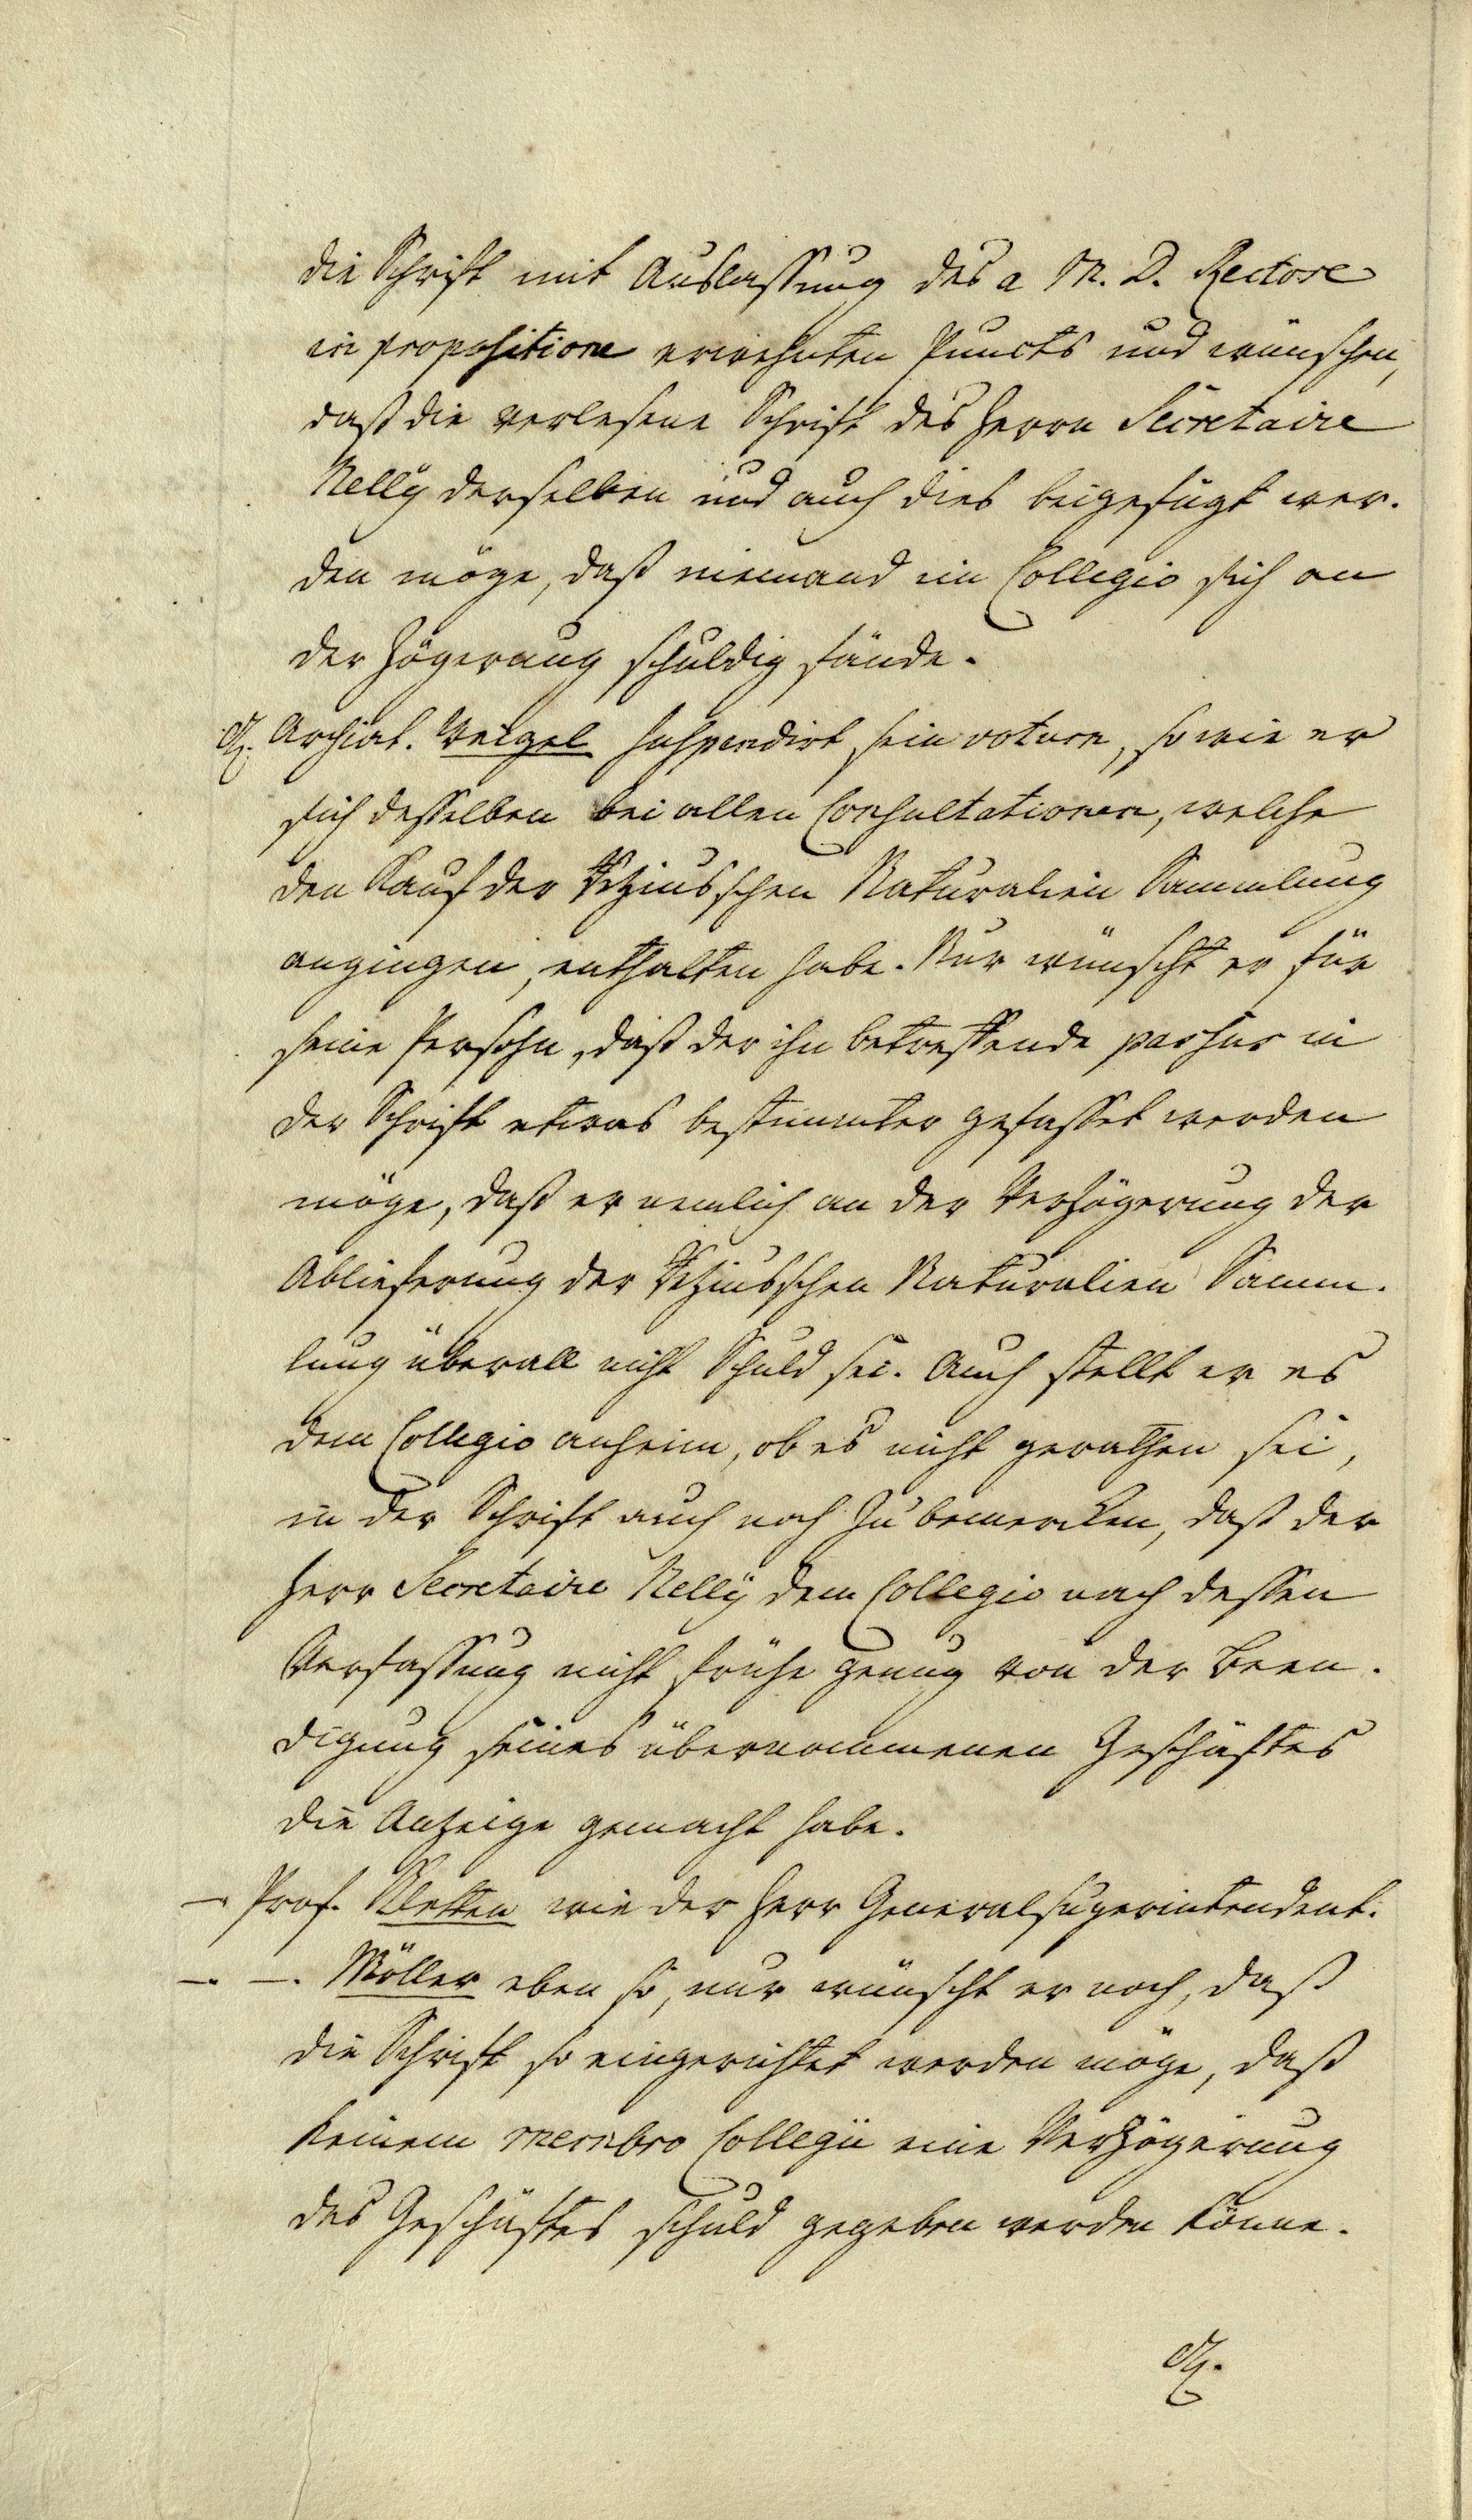die Schrift mit Auslassung des a M. D. Rectore
in propositione erwehnten Puncts und wünschen,
daß die verlesene Schrift des Herrn Secretaire
Nellÿ derselben und auch dies beigefügt wer¬
den möge, daß niemand im Collegio sich an
der Zögerung schuldig fände.
dh. Archiat. Weigel. suspendirt sein votum, so wie er
sich desselben bei allen Consultationen, welche
den Kauf der Reziusschen Naturalien Sammlung
angingen enthalten habe. Nur wünscht er für
seine Persohn, daß der ihn betreffende passus in
der Schrift etwas bestimmter gefasset werden
möge, daß er nemlich an der Verzögerung der
Ablieferung der Reziusschen Naturalien Samm¬
lung überall nicht Schauld sei. Auch stellet er es
dem Collegio anheim, ob es nicht gerathen sei,
in der Schrift auch noch zu bemercken, daß der
Herr Secretaire Nellÿ dem Collegio nach dessen
Verfassung nicht frühe genug von der Been¬
digung seines übernommenen Geschäftes
die Anzeige gemacht habe.
Prof. Kletten wie der Herr Generalsuperintendent.
Möller eben so, nur wünscht er noch, daß
die Schrift so eingerichtet werden möge, daß
keinem membro Collegii eine Verzögerung
des Geschäftes schuld gegeben werden könne.
dh.